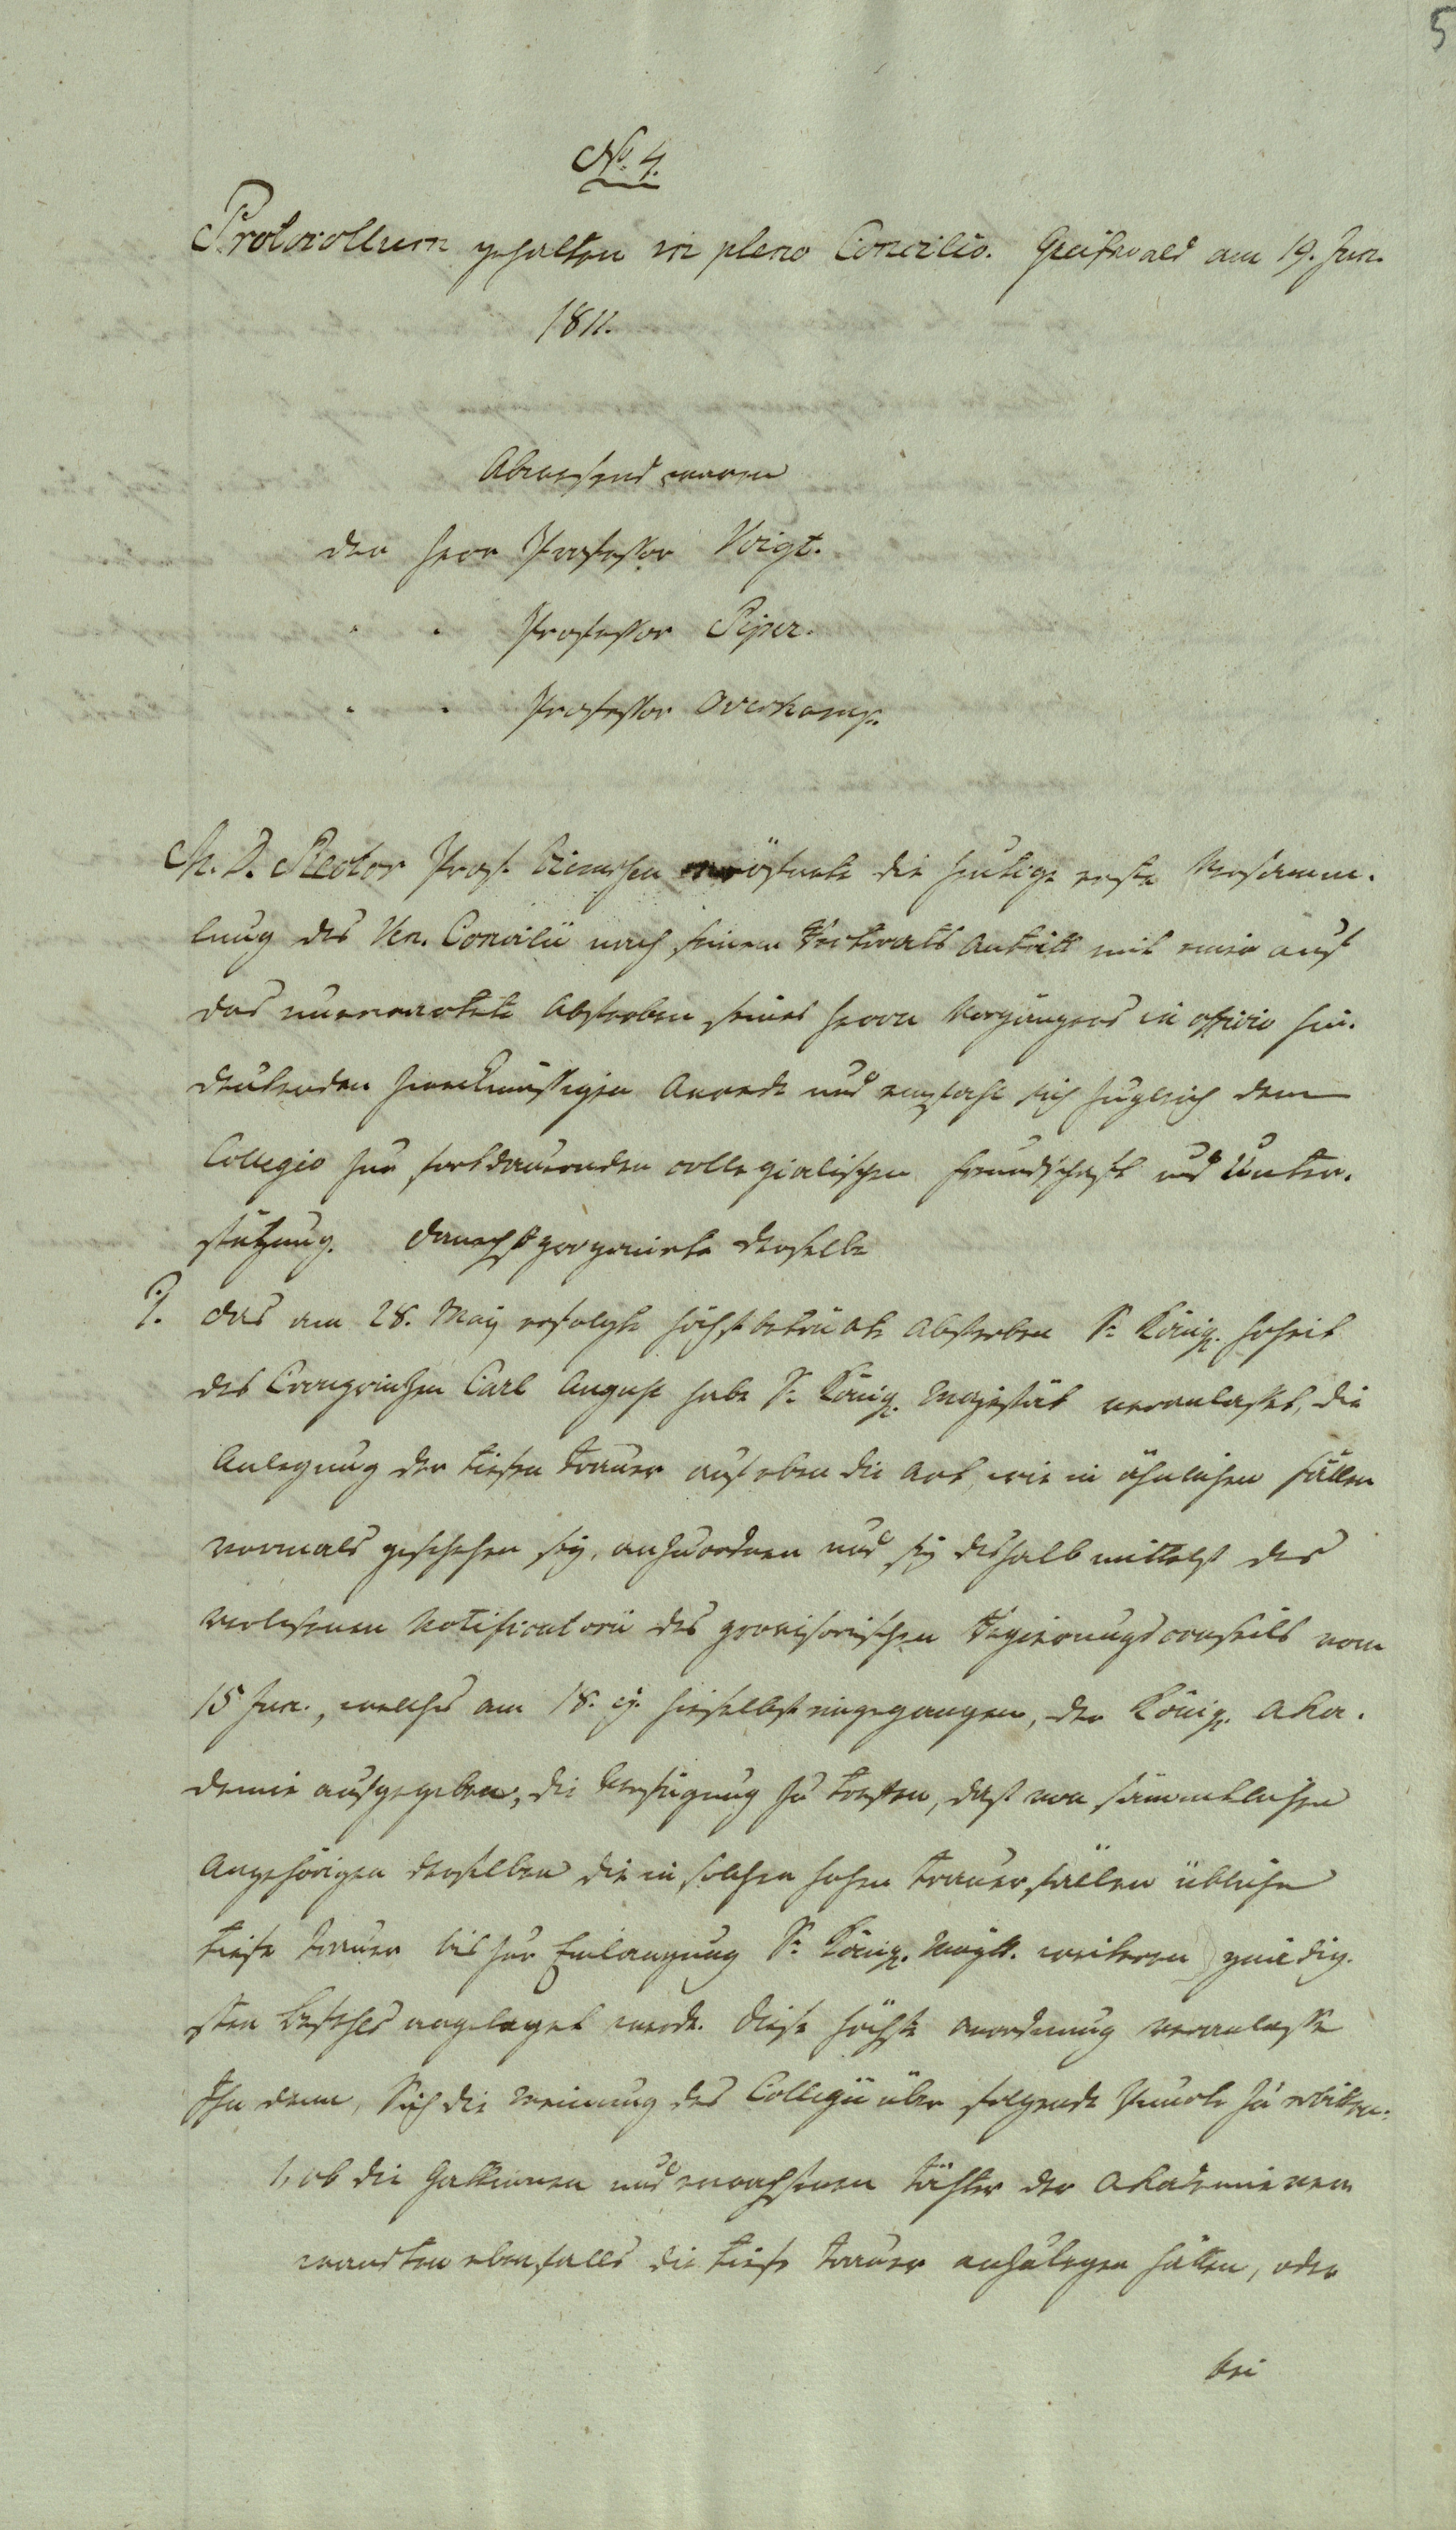Nº 4.
Protocollum gehalten in pleno Concilio. Greifswald am 19. Jun.
1811.
Abwesend waren
der herr Professor Voigt.
Professor Piper.
Professor Overkamp.
M. D. Rector Prof. Ziemssen eröffnete die heutige erste Versamm¬
lung des Ven. Concilii nach seinem Rectorats Antritt mit einer auf
das unerwartete Absterben seines herrn Vorgängers in officio hin¬
deutenden zweckmässigen Anrede und empfahl sich zugleich dem
Collegio zur fortdauernden collegialischen Freundschaft und Unter¬
stützung. Danechst proponirte derselbe
1. das am 28. Maÿ erfolgte höchstbetrübte Absterben Sr. Königl. hoheit
des Cronprinzen Carl August habe Sr. Königl. Majestät veranlasset, die
Anlegung der tiefen Trauer auf eben die Art, wie in ähnlichen Fällen
vormals geschehen seÿ, anzuordnen und seÿ deshalb mittelst des
verlesenen Notificatorii des provisorischen Regierungs conseils vom
15. Jun., welche am 18. ej. hieselbst eingegangen, der Königl. Aka¬
demie aufgegeben, die Verfügung zu treffen, daß von sämmtlichen
Angehörigen derselben die in solchen hohen Trauerfällen übliche
tiefe Trauer bis zur Erlangung Sr. Königl. Maÿtt. weiteren gnädig¬
sten Befehls angeleget werde. Diese höchste Anordnung veranlasse
Ihn denn, Sich die Meinung des Collegii über folgende Puncte zu erbitten:
1, ob die Gattinnen und erwachsenen Töchter der Akademiever¬
wandten ebenfalls die tiefee Trauer anzulegen hätten, oder
bei